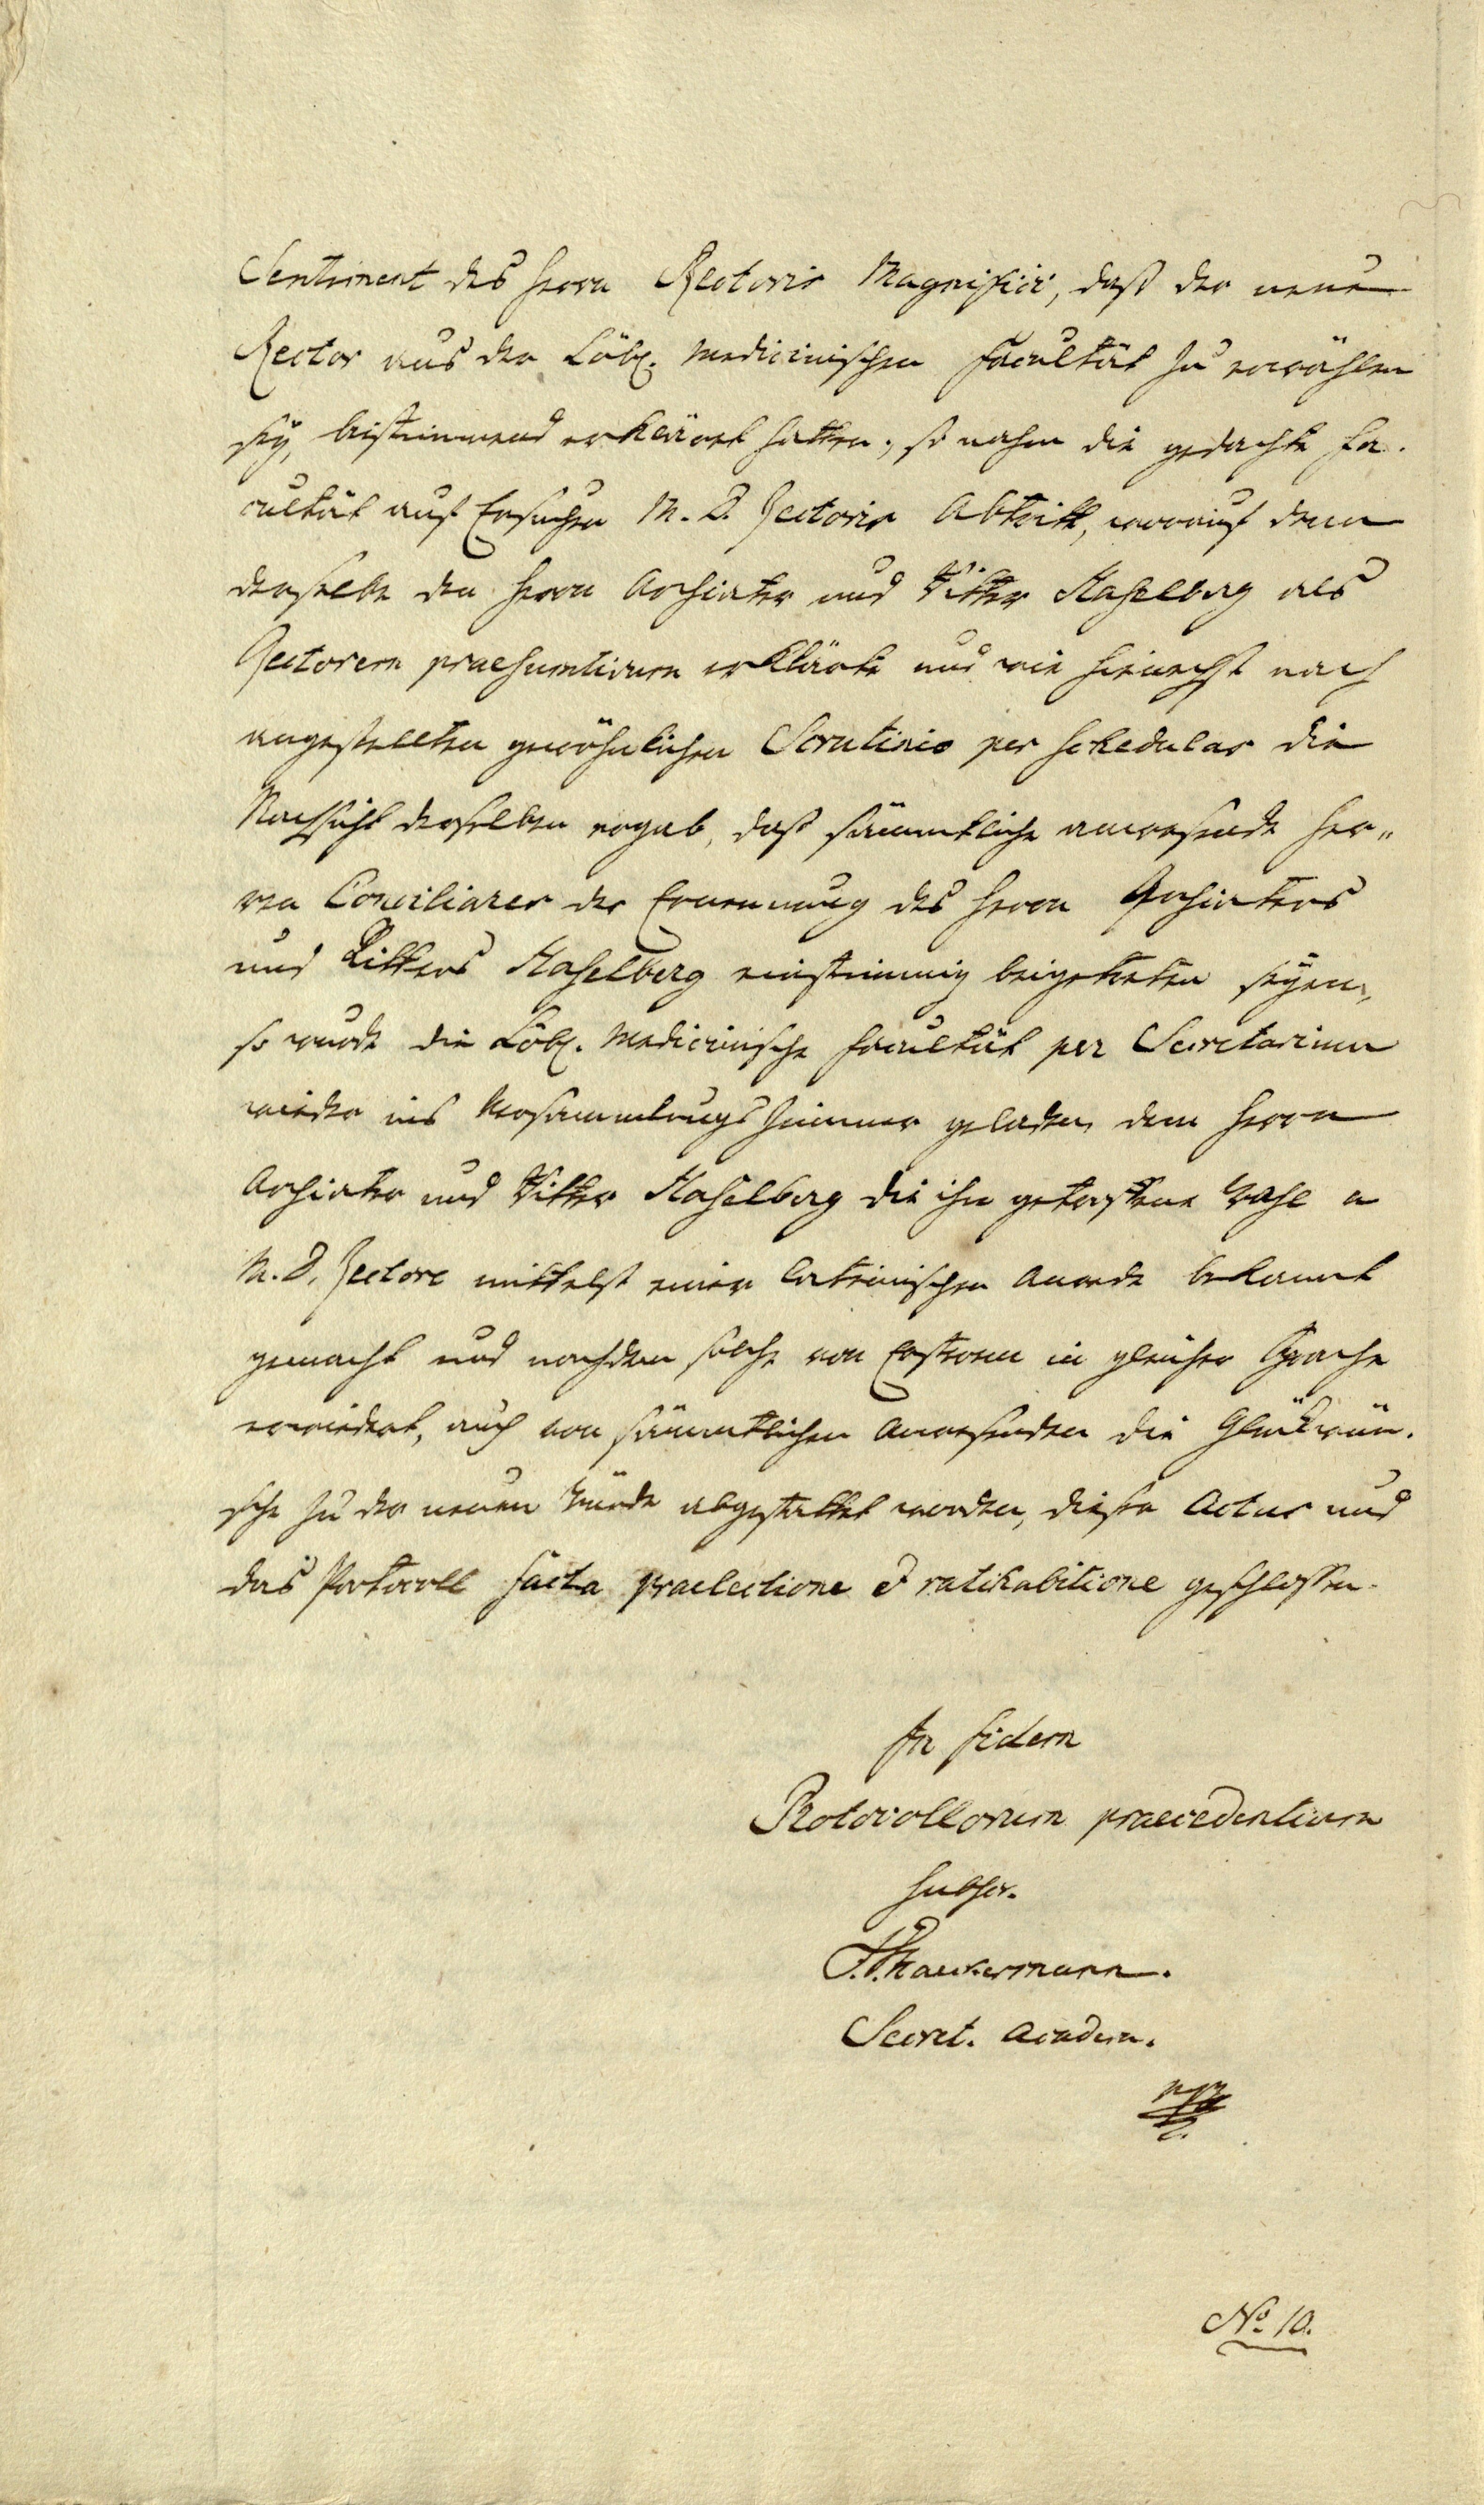Sentiment des herrn Rectoris Magnifici, daß der neue
Rector aus der löbl. Medicinischen Facultät zu erwählen
seÿ, beistimmend erkläret hatten, so nahm die gedachte Fa¬
cultät auf Ersuchen M. D. Rectoris Abtritt, worauf denn
derselbe den herrn Archiater und Ritter Haselberg als
Rectorem praesumtivum erklärte und wie hienechst nach
angestellten gewöhnlichen Scrutinis per schedulas die
Nachsicht derselben ergab, daß sämmtliche anwesende her¬
ren Conciliares der Ernennung des herrn Archiaters
und Ritters Haselberg einstimmig beigetreten seÿen,
so wurde die löbl. Medicinische Facultät per Secretarium
wieder ins Versammlungszimmer geladen, dem herrn
Archiater und Ritter Haselberg die ihn getroffene Wahl a
M. D. Rectore mittlest einer lateinischen Anrede bekannt
gemacht und nachdem solche von Ersterem in gleicher Sprache
erwiedert, auch von sämmtlichen Anwesenden die Glückwün¬
sche zu der neuen Würde abgestattet worden, dieser Actus und
das Protocoll facta praelectione et ratihabitione geschlossen.
In fidem
Protocollorum praecedentiren
subser.
J. F. Haeckermann.
Secret. Academ.
ppt.
Nº 10.